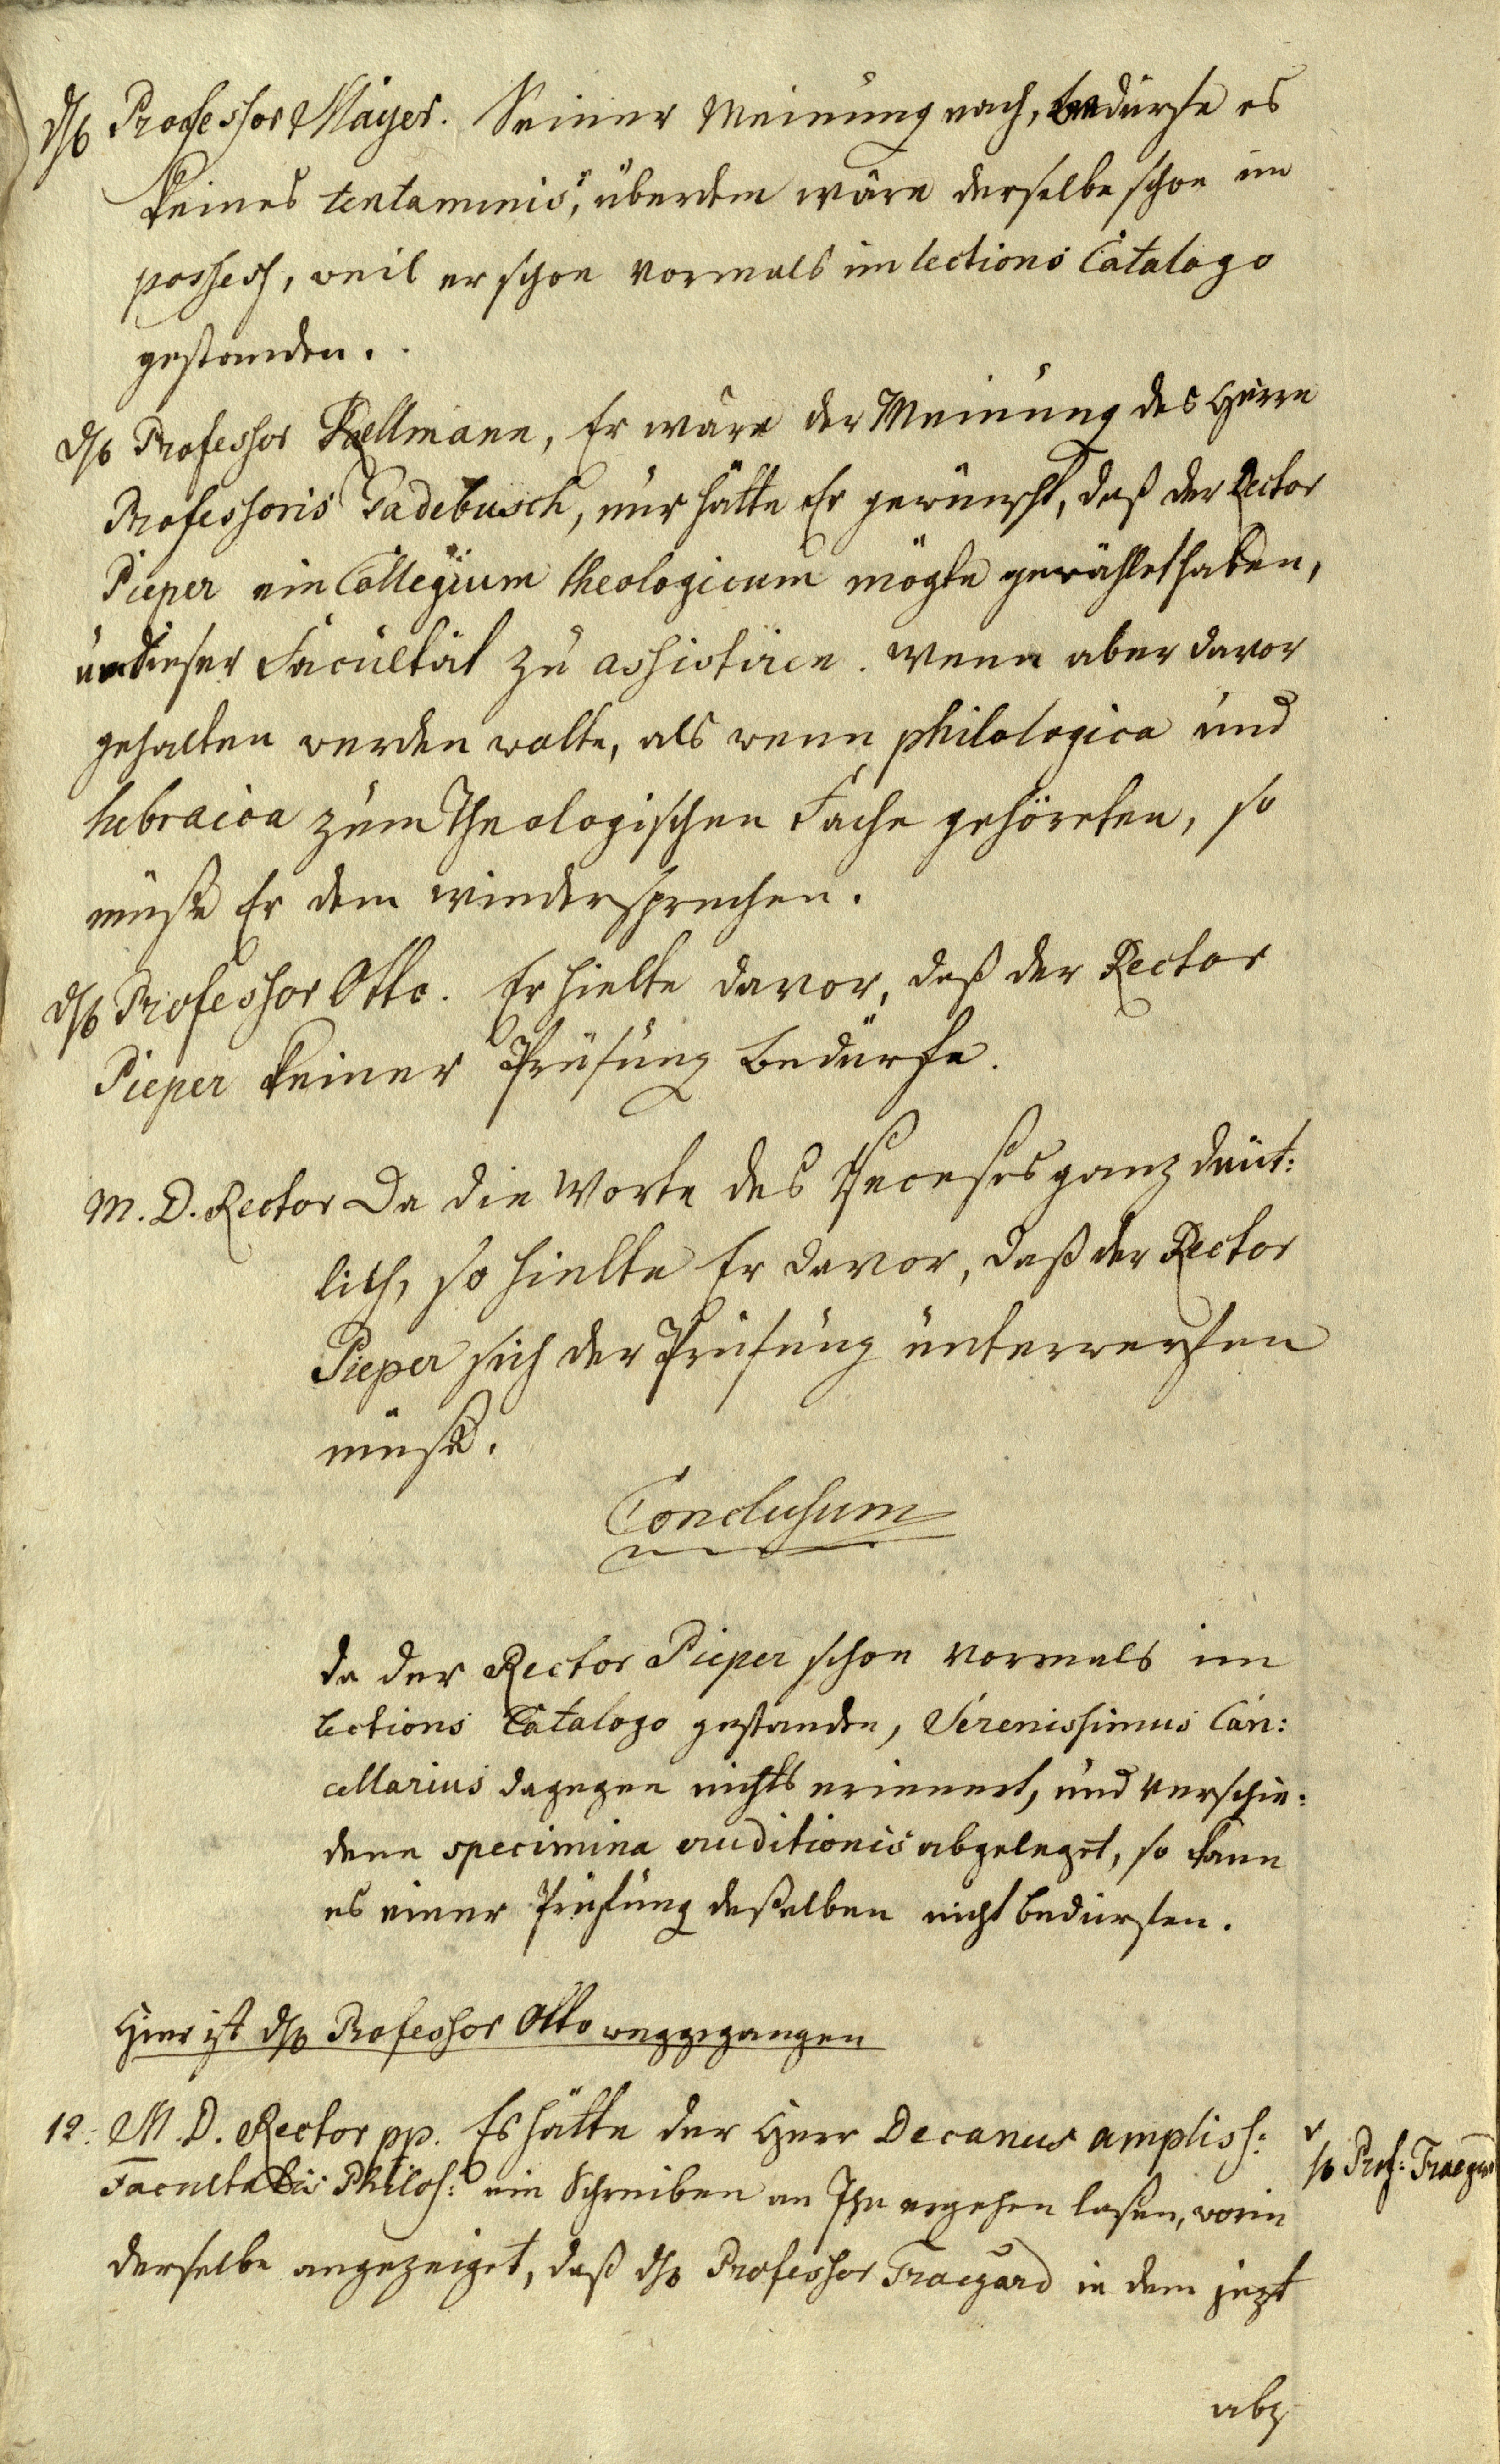dh Professor Maÿer. Seiner Meinung nach, bedürfe es
keines tentaminis, überdem wäre derselbe schon im
possess, weil er schon vormals im lections Catalogo
gestanden.
dh Professor Kellmann, Er wäre der Meinung des Herrn
Porfessoris Gadebusch, nur hätte Er gewünscht, daß der Rector
Pieper ein Collgium theologicum mögte gewählet haben,
um dieser Facultät zu assistiren. wenn aber davor
gehalten werden wolte, als wenn philologica und
hebraica zum Theologischen Fache gehörten, so
müße Er dem wiedersprechen.
dh Professor Otto. Er hielte davor, daß der Rector
Pieper keiner Prüfung bedürfe.
M. D. Rector da die Worte des Receßes ganz deut¬
lich so hielte Er davor, daß der Rector
Pieper sich der Prüfung unterwerfen
müße.
Conclusum
da der Rector Pieper schon vormals im
Lections Catalogo gestanden, Serenissimus Can¬
cellarius dagegen nichts erinnert, und verschie¬
dene specimina eruditionis abgeleget, so kann
es einer Prüfung deßelben nicht bedürfen.
Hier ist dh Professor Otto weggegangen.
12. M.D. Rector pp. Es hätte der Herr Decanus ampliss: h. Prof: Traegård
Facultatis Philos: ein Schreiben an Ihn ergehen laßen, worin
derselbe angezeiget, daß dh Professor Traegård in dem jezt
abz